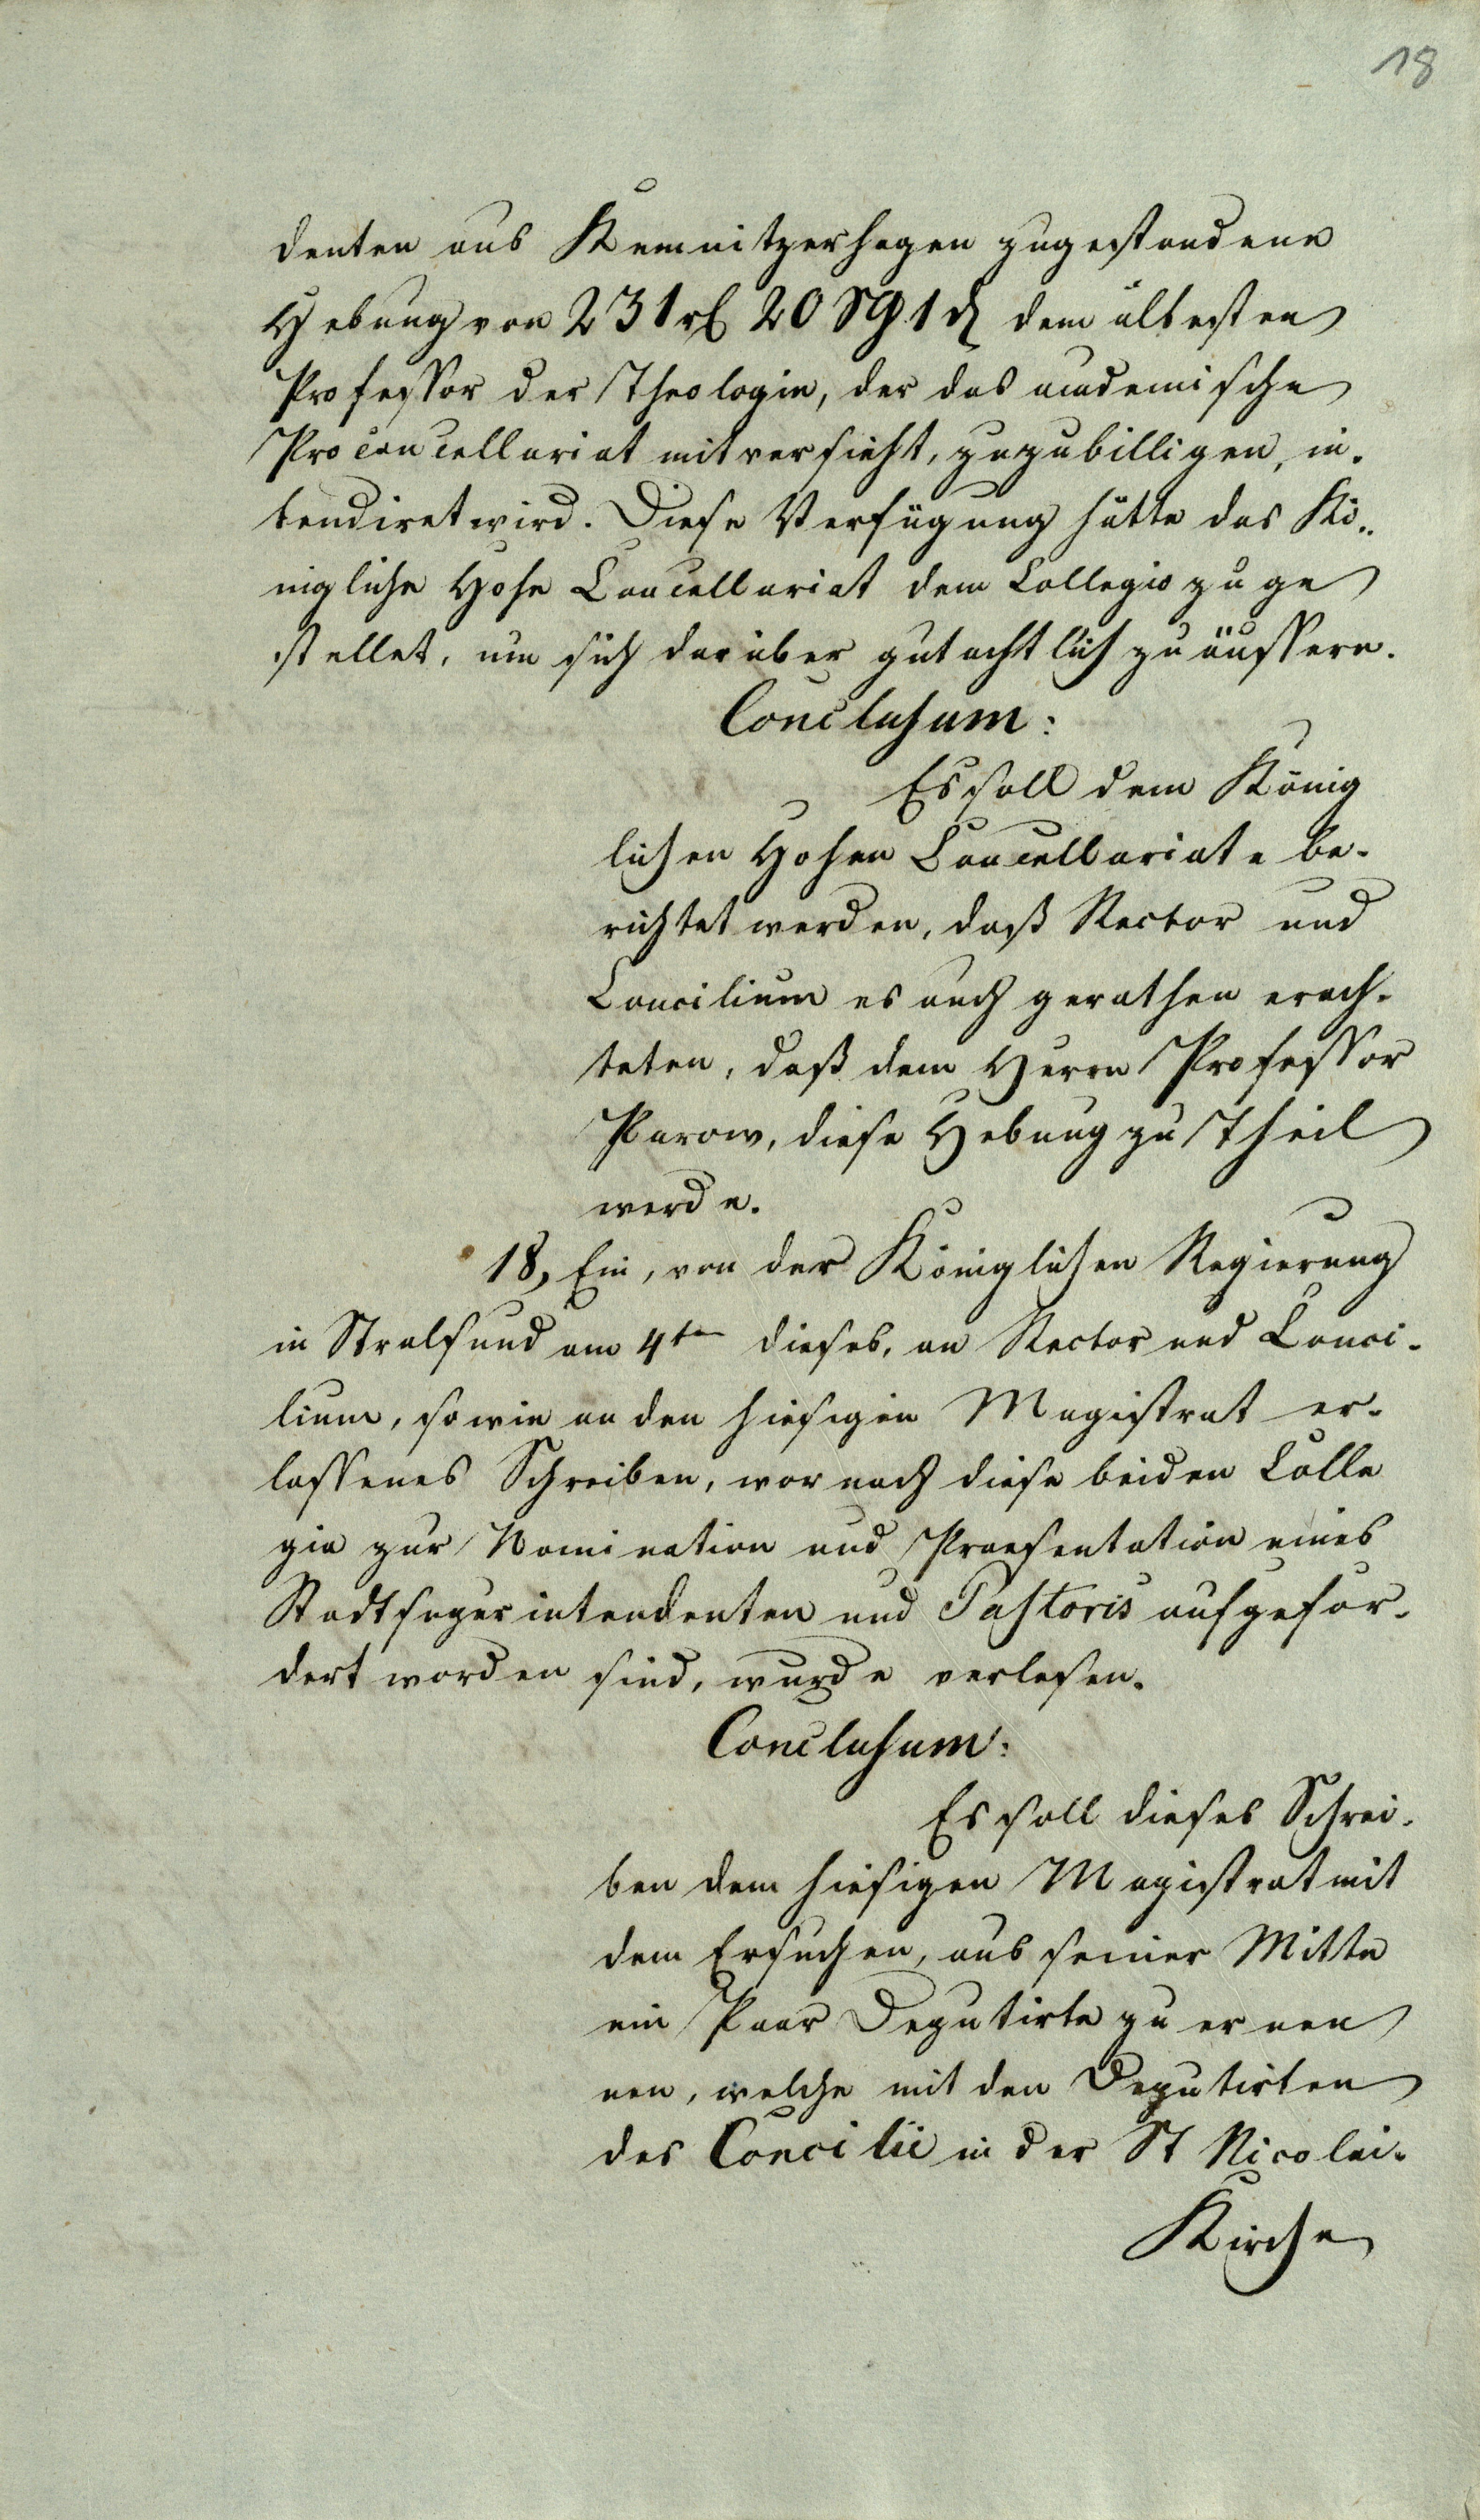denten aus Kemnitzerhagen zugestandene
Hebung von 231 r 20 SGs d dem ältesten
Professor der Theologie, der das academische
Procancellariat mitversieht, zuzubilligen, in¬
tendiret wird. Diese Verfügung hätte das Kö¬
nigliche Hohe Cancellariat dem Collegio zu ge
stellet, um sich darüber gutachtlich zu äussern.
Conclusum:
Es soll dem König¬
lichen Hohen Cancellariate be¬
richtet werden, daß Rector und
Concilium es auch gerathen erach¬
teten, daß dem Herrn Professor
Parow, diese Hebung zu Theil
werde.
18, Ein, von der Königlichen Regierung
in Stralsund am 4ten dieses, an Rector und Conci¬
lium, so wie an den hiesigen Magistrat er¬
lassenes Schreiben, wornach diese beiden Colle
gia zur Nomination und Praesentation eines
Stadtsuperintendenten und Pastoris aufgefor¬
dert worden sind, wurde verlesen.
Conclusum:
Es soll dieses Schrei¬
ben dem hiesigen Magistrat mit
dem Ersuchen, aus seiner Mitte
ein Paar Deputirte zu ernen¬
nen, welche mit den Deputirten
des Concilii in der St Nicolai¬
Kirche